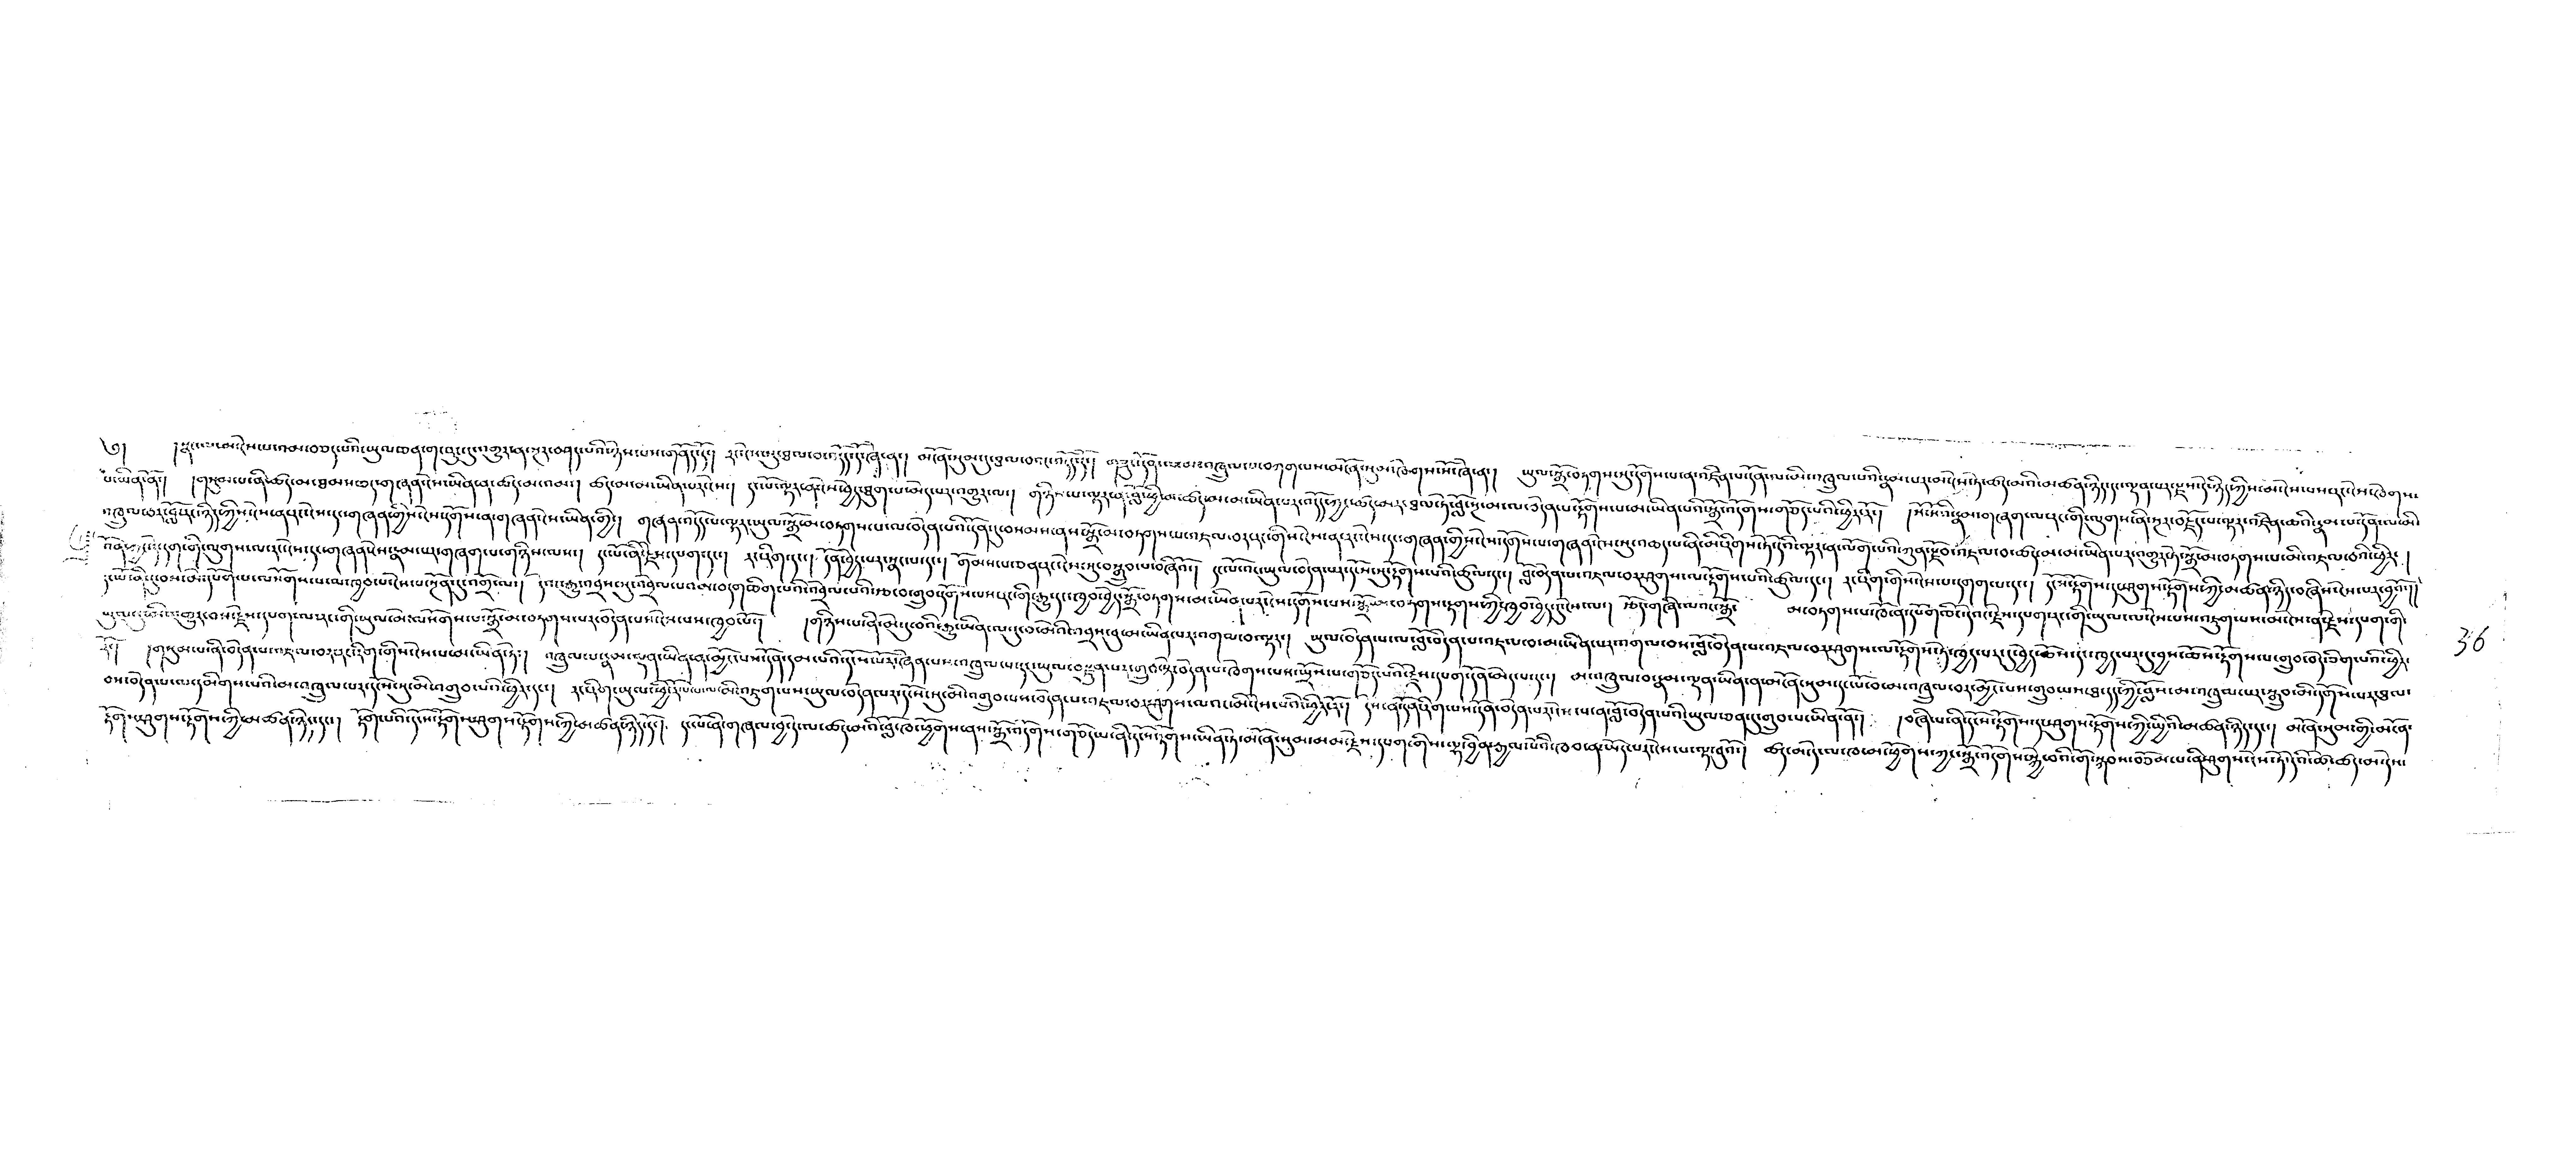༈། །སྣང་ལ་མ་ངེས་པ་འམ་བཅད་པའི་ཡུལ་ཅན་ག་བུང་དུ་འགྱུར་ན་སྔར་བཤད་པའི་ཉེས་པས་གནོད་དོ། རང་ངེས་སུ་ཐལ་བ་འདོད་དོ་ཞེ་ན། མངོན་སུམ་དུ་ཐལ་བའང་འདོད་དོ། གཟུང་དོན་?་མ་འཁྲུལ་པ་བཀག་པས་མངོན་སུམ་ཁེགས་སོ་ཞེ་ན། ཡུལ་སྒྲོ་བཏགས་སུ་དོགས་པ་ན་འཛིན་པ་དོན་ལ་མི་འཁྲུལ་པའི་རྣམ་པར་མ་ངེས་ཏེ་ཚད་མའི་མཚན་ཉིད་དང་ལྡན་པར་རྫས་དེ་ཉིད་ཀྱིས་མ་ངེས་པས་རང་ངེས་ཁེགས་
པ་ཡིན་ནོ། །གསུམ་པ་ནི་ཚད་མ་ཐམས་ཅད་གཞན་ངེས་ཡིན་ན་ཚད་མ་འམ། ཚད་མ་མ་ཡིན་པར་ངེས། དང་པོ་ལྟར་ན་ངེས་བྱེད་ཐུག་པ་མེད་པར་འགྱུར་ལ། གཉིས་པ་ལྟར་ན་བློ་ཕྱི་མ་ཚད་མ་མ་ཡིན་པར་འདོད་ཀྱང་ཚད་མར་ཐལ་ཏེ་བློ་སྔ་མ་ལ་བདེན་པ་རྟོགས་པ་མ་ཡིན་པའི་སྒྲོ་འདོགས་གཅོད་པའི་ཕྱིར་རོ། །སོ་སོའི་རྣམ་གཞག་ལ་རང་གི་ལུགས་ནི་སྔར་བརྗོད་པ་ལྟར་འཛིན་ཆའི་རྣམ་པ་དོན་ལ་མི་
འཁྲུལ་བར་བློ་རང་ཉིད་ཀྱིས་ངེས་ན་རང་ངེས་དང་གཞན་གྱིས་ངེས་དགོས་ན་གཞན་ངེས་ཡིན་གྱི། གཞན་འདོད་པ་ལྟར་ཡུལ་སྒྲོ་མ་བཏགས་པ་ལ་བདེན་པའི་དོན་དུ་བསམས་ནས་སྒྲོ་མ་བཏགས་པ་འཇལ་བར་རང་གིས་ངེས་ན་རང་ངེས་དང་གཞན་གྱིས་ངེས་དགོས་པ་གཞན་ངེས་སུ་འཆད་པ་ནི་མི་རིགས་ཏེ་དེའི་ལྟར་ན་ལོག་པའི་ཀུན་རྫོབ་འཇལ་བ་ཚད་མ་མ་ཡིན་པར་འགྱུར་ཏེ་སྒྲོ་མ་བཏགས་པ་མི་འཇལ་བའི་ཕྱིར།
འོན་ཀྱང་དེ་དག་གི་ལུགས་ལ་རང་ངེས་དང་གཞན་ངེས་རྣམ་པར་གཞག་པ་གཉིས་ལས། དང་པོ་ནི་རྗེས་དཔག་དང་། རང་རིག་དང་། དོན་བྱེད་པར་སྣང་པ་དང་། གོམས་པ་ཅན་རང་ངེས་སུ་བསྒྲུབ་པ་བཞིའོ། དང་པོ་འང་ཡུལ་བདེན་པར་དངོས་སུ་རྟོགས་པའི་ཚུལ་དང་། བློ་བདེན་པ་འཇལ་བར་ཤུགས་ལ་རྟོགས་པའི་ཚུལ་དང་། རང་རིག་གིས་ངེས་པ་དགག་པ་དང་། དངོས་རྟོགས་དང་ཤུགས་རྟོགས་ཀྱི་མཚན་ཉིད་བཞིས་ངེས་པར་བྱའོ།།
དང་པོ་ནི་དུ་བས་མེ་དཔོག་པ་ལ་སོགས་པ་མ་ཁྱབ་པ་ངེས་པ་སྔོན་དུ་འགྲོ་ལ། དེའང་རྒྱུ་འབྲས་སུ་འབྲེལ་པའམ་བདག་ཅིག་པའི་འབྲེལ་པའི་རྩ་བ་གྲུབ་དགོས་པས་རང་གི་རྒྱུ་དང་ཁྱབ་བྱེད་སྒྲོ་བཏགས་མ་ཡིན་པར་ངེས་དགོས་པས་སྒྲོ་མ་བཏགས་རྟགས་ཀྱི་ཁྱབ་བྱེད་དུ་ངེས་ལ། རྩོད་གཞི་ལའང་སྒྲོ་མ་བཏགས་པ་ཁོ་ན་དཔོག་ཅིང་དེའང་རྗེས་དཔག་རང་གི་ཡུལ་ལ་ངེས་པས་འཇུག་པས་མ་ངེས་ན་རྗེས་དཔག་གི་
ཡུལ་དུ་མིང་འགྱུར་བས་རྗེས་དཔག་ལ་རང་གི་ཡུལ་མེ་ལ་སོགས་པ་སྒྲོ་མ་བཏགས་པར་བདེན་པས་ངེས་པས་ཁྱབ་པོ། །གཉིས་པ་ནི་མེ་དུ་བའི་རྒྱུ་ཡིན་ལ་དུ་བ་མེའི་འབྲས་བུ་མ་ཡིན་པར་འགལ་བ་ལྟར། ཡུལ་བདེན་པ་ལ་བློ་བདེན་པ་འཇལ་བ་མ་ཡིན་པར་འགལ་བས་བློ་བདེན་པ་འཇལ་བར་ཤུགས་ལ་རྟོགས་ཏེ་ཁྱད་པར་དུ་བྱེད་ཆོས་དང་ཁྱད་པར་དུ་བྱས་ཆོས་རྟོགས་པ་གྲུབ་བདེ་ཅིག་པའི་ཕྱིར་
རོ། །གསུམ་པ་ནི་བདེན་པ་འཇལ་བར་རང་རིག་གིས་ངེས་པ་མ་ཡིན་ཏེ། འཁྲུལ་པ་རྣམ་ལྡན་ཡིན་ན་མྱོང་པས་དོན་དམ་པའི་དངོས་པོར་ཞེན་པས་འཁྲུལ་ས་དང་ཡུལ་བརྫུན?་པར་གྲུབ་སྟེ་བདེན་པ་ཁེགས་པས་སྤྲོས་པ་གཅོད་པའི་རྗེས་དཔག་དོན་མེད་པ་དང་། མ་འཁྲུལ་བ་རྣམ་ལྡན་ཡིན་ན་མངོན་སུམ་དང་པོ་མ་འཁྲུལ་བར་མྱོང་པས་གྲུབ་པས་ཐ་དད་ཀྱི་བློས་མ་འཁྲུལ་པར་སྒྲུབ་མི་དགོས་པར་ཐལ་
བས་བདེན་པ་ལ་དམིགས་པའི་མ་འཁྲུལ་པར་དངོས་སུ་མི་འགྲུབ་པའི་ཕྱིར་དང་། རང་རིག་ཡུལ་ཕྱི་རོལ་པ་ལ་མི་འཇུག་པས་ཡུལ་བདེན་པར་དངོས་སུ་མི་འགྲུབ་པས་བདེན་པ་འཇལ་བར་ཤུགས་ལའང་མི་ངེས་པའི་ཕྱིར་རོ། དེས་ན་དོན་རིག་པས་དོན་བདེན་པར་ངེས་པ་ན་བློ་བདེན་པའི་ཡུལ་ཅན་དུ་གྲུབ་པ་ཡིན་ནོ། །བཞི་པ་ནི་དངོས་རྟོགས་དང་ཤུགས་རྟོགས་ཀྱི་སྤྱིའི་མཚན་ཉིད་དང་། མངོན་སུམ་གྱི་མངོན་
རྟོག་ཤུགས་རྟོགས་ཀྱི་མཚན་ཉིད་དང་། རྟོག་པའི་དངོས་རྟོགས་ཤུགས་རྟོགས་ཀྱི་མཚན་ཉིད་དོ། དང་པོ་ནི་གཞལ་བྱ་དེ་ལ་ཚད་མའི་བློ་ཁ་ཕྱོགས་ནས་སྒྲོ་འདོགས་གཅོད་པ་ནི་དངོས་རྟོགས་ཡིན་ཏེ་མངོན་སུམ་མམ་རྗེས་དཔག་གིས་ལྷ་བྱིན་རྒྱལ་པོའི་ཁབ་ན་ཡོད་པར་ངེས་པ་ལྟ་བུའོ། ཚད་མ་དེ་ལ་ཁ་མ་ཕྱོགས་ཀྱང་སྒྲོ་འདོགས་སྐྱེ་བའི་གོ་སྐབས་བཅོམ་པ་ནི་ཤུགས་ངེས་ཏེ་དེའི་ཚེ་ཚད་མ་དེས་